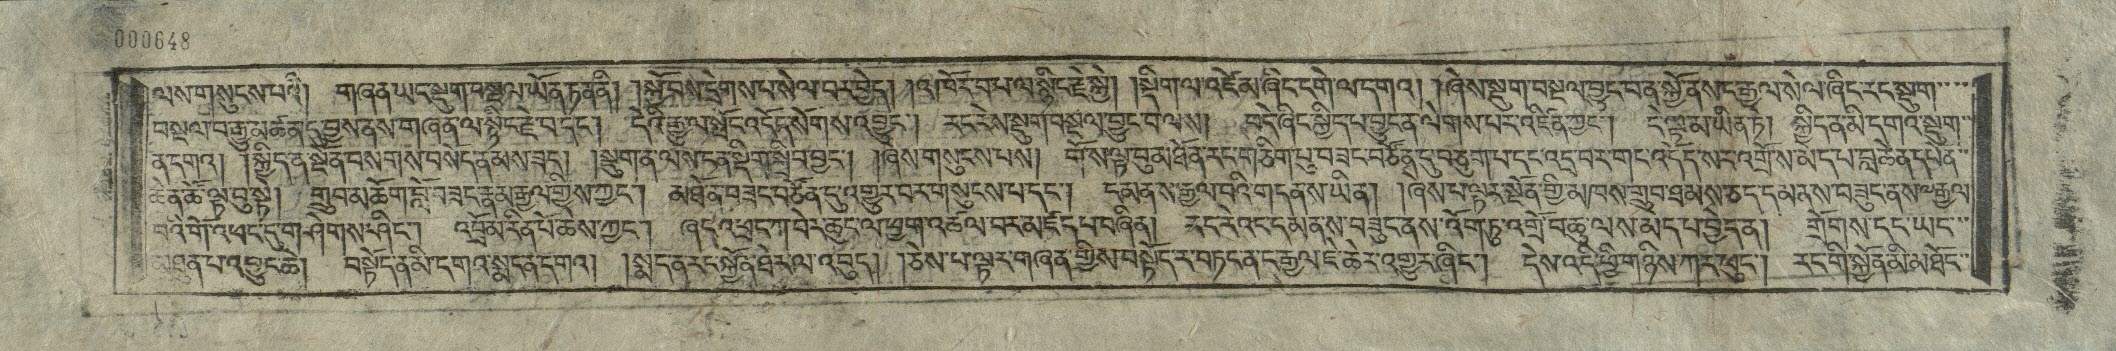ལས་གསུངས་པའི། གཞན་ཡང་སྡུག་བསྔལ་ཡོན་ཏན་ནི། །སྐྱོ་བས་དྲེགས་པ་སེལ་བར་བྱེད། །འཁོར་བ་པ་ལ་སྙིང་རྗེ་སྐྱེ། །སྡིག་ལ་འཛེམ་ཞིང་དགེ་ལ་དགའ། །ཞེས་སྡུག་བསྔལ་བྱུང་བ་ན་སྐྱོ་ནས་ང་རྒྱལ་སེལ་ཞིང་རང་སྡུག་
བསྔལ་བ་རྒྱུ་མཚན་དུ་བྱས་ནས་གཞན་ལ་སྙིང་རྗེ་བ་དང་། དེའི་རྒྱུ་ལ་སྤོང་འདོད་སོགས་འབྱུང་། རང་རེས་སྡུག་བསྔལ་བྱུང་བ་ལས། བདེ་ཞིང་སྐྱིད་པ་བྱུང་ན་ལེགས་པར་འཛིན་ཀྱང་། དེ་ལྟ་མ་ཡིན་ཏེ། སྐྱིད་ན་མི་དགའ་སྡུག་
ན་དགའ། །སྐྱིད་ན་སྔོན་བསགས་བསོད་ནམས་ཟད། །སྡུག་ན་ལས་ངན་སྡིག་སྒྲིབ་བྱང་། །ཞེས་གསུངས་པས། གོ་ས་ལྟ་བུ་མཐོ་ན་རང་གཅིག་པུ་བཟང་བཙོན་དུ་བཅུག་པ་དང་འདྲ་བར་གང་འདོད་སར་འགྲོ་ས་མེད་པ་བླ་ཆེན་དཔོན་
ཆེན་ཚོ་ལྟ་བུ་སྟེ། གྲུབ་མཆོག་བློ་བཟང་རྣམ་རྒྱལ་གྱིས་ཀྱང་། མཐོ་ན་བཟང་བཙོན་དུ་འགྱུར་བར་གསུངས་པ་དང་། དམན་ས་རྒྱལ་བའི་གདན་ས་ཡིན། །ཞེས་པ་ལྟར་སྔོན་གྱི་མཁས་གྲུབ་ཐམས་ཅད་དམན་བཟུང་ནས ༧རྒྱལ་?
བའི་གོ་འཕང་དུ་གཤེགས་ཤིང་། འབྲོམ་རིན་པོ་ཆེས་ཀྱང་། ཞང་འཕྲང་ཀ་བེར་ཆུང་ལ་ཕྱག་འཚལ་བར་མཛད་པ་བཞིན། རང་རེའང་དམན་ས་བཟུང་ནས་འོག་ཏུ་འགྲོ་བ་ཆུ་ལས་མེད་པ་བྱེད་ན། གྲོགས་དང་ཡང་
མཐུན་པ་འབྱུང་ཆེ། བསྟོད་ན་མི་དགའ་སྨད་ན་དགའ། །སྨད་ན་རང་སྐྱོན་ཐེར་ལ་འབུད། །ཅེས་པ་ལྟར་གཞན་གྱིས་བསྟོད་ར་བཏང་ན་ང་རྒྱལ་ཇེ་ཆེར་འགྱུར་ཞིང་། དེས་འདི་ཕྱི་གཉིས་ཀར་ཕུང་། རང་གི་སྐྱོན་མི་མཐོང་